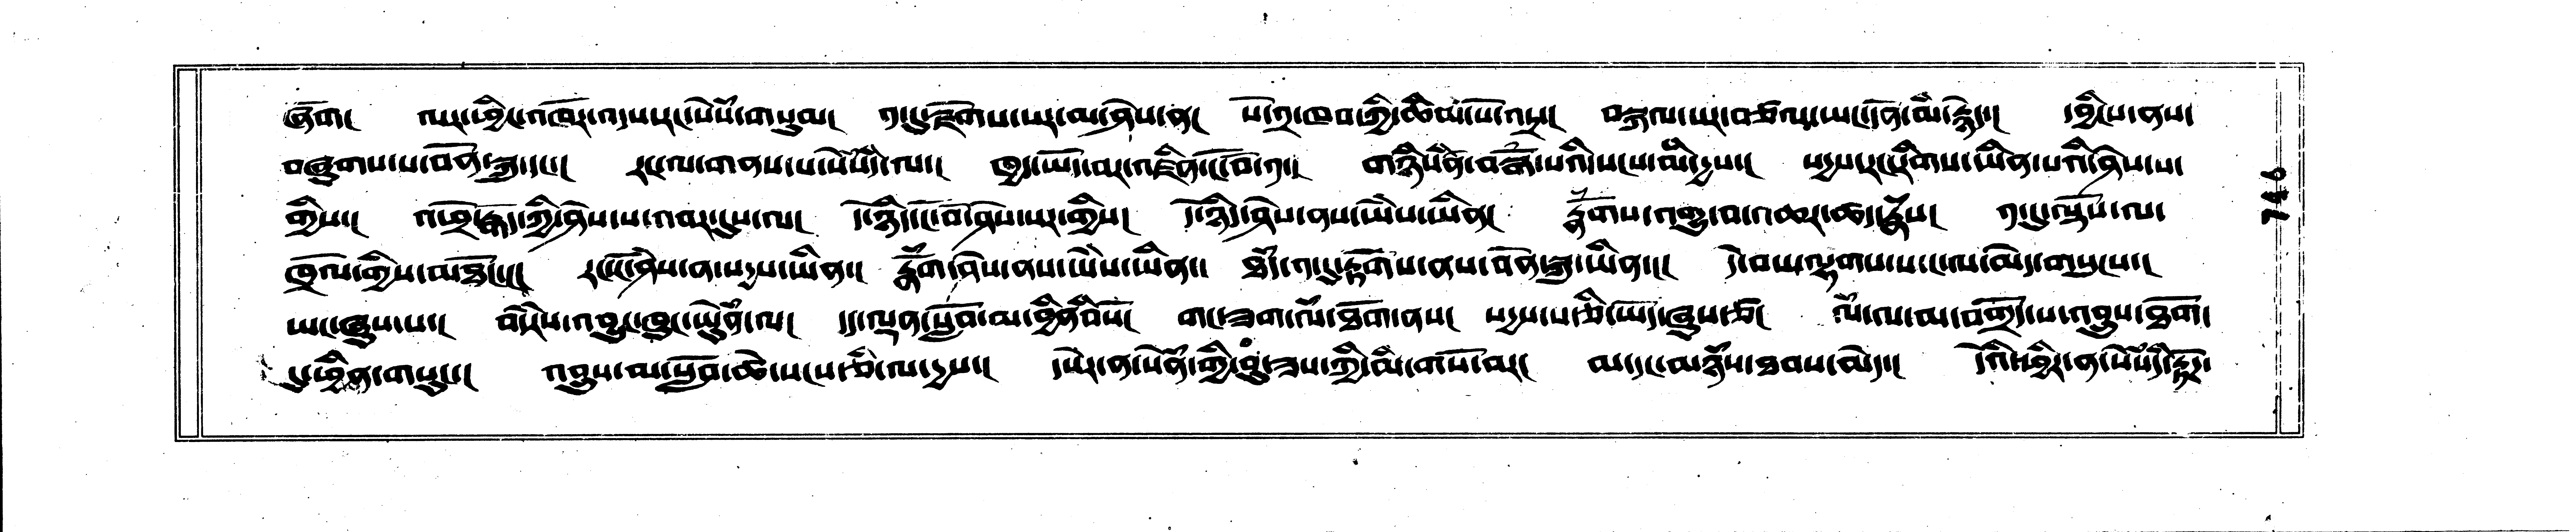ཞོག ལར་ཕྱི་ནང་འཁོར་འདས་རང་སེམས་གསུམ། །གཅིག་ཏུ་རྫོགས་པར་མ་ཤེས་ན། །སོ་གཉིས་ཁབ་ཀྱི་ཚེམ་པོ་འདྲ། །བསྐལ་པར་བཙལ་ཀྱང་དོན་མི་བརྙེད། །དབྱིངས་ན་
བཞུགས་པ་བོན་སྐུ་དང་། །རང་ལ་གནས་པ་སེམས་ཉིད་ལ། །ཁྱད་ཡོད་པར་‘མ་’འཛིན་ངོའོ་གཅིག །གཉིས་འཛིན་སྒོམ་པས་སངས་མི་རྒྱས། །སངས་རྒྱས་རང་རིག་ཡིན་པའི་‘པར་’ཤེས་པར་
གྱིས། །འཕྲོ་རྒོད་ཀྱི་ཤེས་པ་འབར་དུས་ལ། དེ་ཉིད་ངོའོ་ཤེས་པར་གྱིས། དེ་ཉིད་ཤེས་ན་ཡེ་ཤེས་ཡིན། རྣམ་རྟོག་འགྱུ་བ་འཆར་ཚད་རྣམས། གཅིག་ཏུ་ལྟོས་ལ་
ཁྲོལ་གྱིས་ཐོངས། རང་ངོ་ཤེས་ན་སངས་རྒྱས་ཡིན། རྣམ་རྟོག་ཤེས་ན་ཡེ་ཤེས་ཡིན། ཐམས་ཅད་གཅིག་ཏུ་རྟོགས་ན་བོན་སྐུ་ཡིན། དེ་བས་ལྷག་པ་ང་ལ་མེད་གསུངས། 
ཡང་ཞུས་པ། བདེར་གཤེགས་འབྱུང་ཁུངས་ཡུམ་ཆེན་མ། །དད་ལྡན་སློབ་མར་བྱིན་གྱིས་རློབས། །གང་ཟག་ལམ་ཐོག་ནས་སངས་རྒྱས་པ་ཅི་ཡོད་ཞུས་ཙ། ལམ་ལ་མ་བགྲོད་པར་འབྲས་བུ་ཐོག་
ཏུ་‘མི’ཕྱིན་གསུངས། འབྲས་བུ་མ་བསླེབས་ཚེ་སངས་ཅི་ལ་རྒྱས། དཔེར་ན་སེམས་ཅན་གྱི་བུ་ཟས་ཀྱིས་མ་གསོས་པར། མ་དང་མཉམ་ཐབས་མེད། དེའི་ཕྱིར་ན་སེམས་ཉིད་རྟོགས་